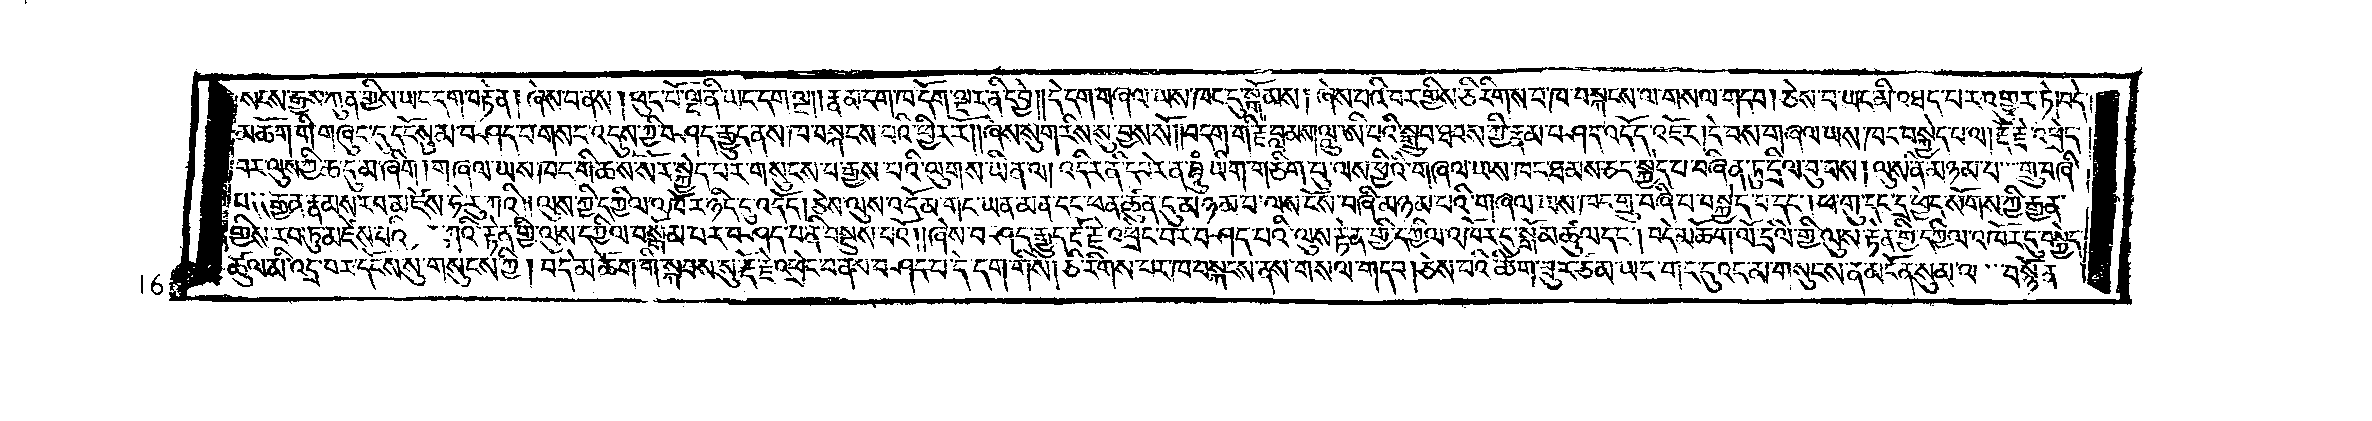སངས་རྒྱས་ཀུན་གྱིས་ཡང་དག་བརྟེན། ཞེས་པ་ནས། ཕུང་པོ་ལྔ་ནི་ཡང་དག་ལྔ། །རྣམ་དག་ཁ་དོག་ལྔར་ནི་དབྱེ། །དེ་དག་གཞལ་ཡས་ཁང་དུ་སྒོམས། ཞེས་པའི་བར་གྱིས་ཅི་རིགས་པ་ཁ་བསྐངས་ལ་གསལ་གདབ། ཅེས་པ་ཡང་མི་འཐད་པར་འགྱུར་ཏེ། བདེ་
མཆོག་གི་གཞུང་དུ་དངོས་སུ་མ་བཤད་པ་གསང་འདུས་ཀྱི་བཤད་རྒྱུད་ནས་ཁ་བསྐངས་པའི་ཕྱིར་རོ། །ཞེས་སུག་རིས་སུ་བྱས་སོ། །བདག་གི་རྗེ་བླ་མས། ལཱུ་ཨི་པའི་སྒྲུབ་ཐབས་ཀྱི་རྣམ་བཤད་འདོད་འཇོར། དེ་བས་གཞལ་ཡས་ཁང་བསྐྱེད་པ་ལ། རྡོ་རྗེ་འཕྲེང་
བར་ལུས་ཀྱི་ཆ་དུ་མ་ཞིག། གཞལ་ཡས་ཁང་གི་ཆས་སོར་སྐྱེད་པར་གསུངས་པ་རྒྱས་པའི་ལུགས་ཡིན་ལ། འདིར་ནི་དཔེར་ན་བྷཱུཾ་ཡིག་གཅིག་བུ་ལས་ཕྱིའི་གཞལ་ཡས་ཁང་ཐམས་ཅད་སྐྱེད་པ་བཞིན་ཏུ་དྲིལ་བུ་བས། ལུས་ནི་མཉམ་པ་གྲུ་བཞི་
པ། །རྒྱན་རྣམས་རབ་མཛེས་ཧེ་རུ་ཀའི། །ལུས་ཀྱི་དཀྱིལ་འཁོར་ཉིད་དུ་འདོད། ཅེས་ལུས་འདོམ་གང་ཡན་མན་དང་ཕན་ཚུན་དུ་མཉམ་པ་ལས་ངོས་བཞི་མཉམ་པའི་གཞལ་ཡས་ཁང་གྲུ་བཞི་པ་བསྐྱེད་པ་དང་། ཕ་གུ་དང་དྲ་ཕྱེད་སོགས་ཀྱི་རྒྱན་
གྱིས་རབ་ཏུ་མཛེས་པའི་ཧེ་རུ་ཀའི་རྟེན་གྱི་ལུས་དཀྱིལ་བསྒོམ་པར་བཤད་པ་ནི་བསྡུས་པའོ། །ཞེས་བཤད་རྒྱུད་རྡོ་རྗེ་འཕྲེང་བར་བཤད་པའི་ལུས་རྟེན་གྱི་དཀྱིལ་འཁོར་དུ་སྒོམ་ཚུལ་དང་། བདེ་མཆོག་ལོ་དྲིལ་གྱི་ལུས་རྟེན་གྱི་དཀྱིལ་འཁོར་དུ་བསྐྱེད་
ཚུལ་མི་འདྲ་བར་དངོས་སུ་གསུངས་ཀྱི། བདེ་མཆོག་གི་སྐབས་སུ་རྡོ་རྗེ་འཕྲེང་བ་ནས་བཤད་པ་དེ་དག་གིས། ཅི་རིགས་པར་ཁ་བསྐངས་ནས་གསལ་གདབ། ཅེས་པའི་ཚིག་ཟུར་ཙམ་ཡང་གང་དུའང་མ་གསུངས་ན་མངོན་སུམ་ལ་བསྙོན་